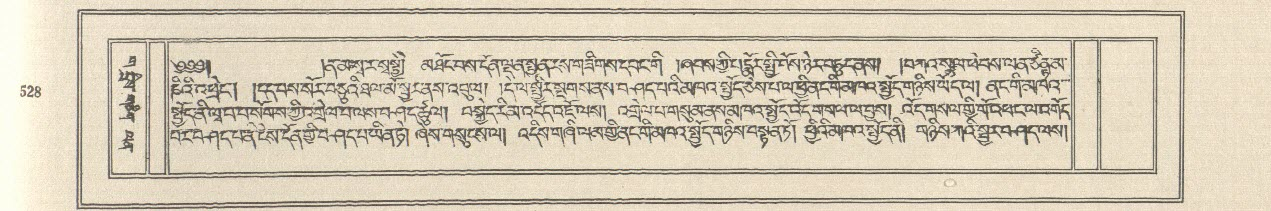༄༅༅། །ན་མ་སྭ་ར་སྭསྟྱཻ། མཐོང་བས་དོན་ལྡན་སྤྱན་རས་གཟིགས་དབང་གི །ཞབས་ཀྱི་པདམོར་སྤྱི་བོས་ཉེར་བཏུང་ནས། །བཀའ་སྩལ་ཕེབས་ལན་ཙིནྟ་མ་
ཎིའི་འཕྲེང་། །དད་པས་སོར་བཅུའི་ཐལ་མོ་སྦྱར་ནས་འབུལ། །དེ་ལ་སྤྱིར་སྔགས་ནས་བཤད་པའི་མཁའ་སྤྱོད་ཅེས་པ་ལ་ཕྱི་ནང་གི་མཁའ་སྤྱོད་གཉིས་ཡོད་ལ། ནང་གི་མཁའ་
སྦྱོད་ནི་ལྭ་བ་པ་སོགས་ཀྱི་འགྲེལ་པ་ལས་བཤད་ཚུལ། བསྐྱེད་རིམ་འདོད་འཇོ་ལས། འགྲེལ་པ་གསུམ་ནས་མཁའ་སྤྱོད་འོད་གསལ་ལ་བྱས། འོད་གསལ་གྱི་གོ་འཕང་ལ་འགོད་
པར་བཤད་པ་ནི་ངེས་དོན་གྱི་བཤད་པ་ཡིན་ཏེ། ཞེས་གསུངས་ལ། འདིས་གཞི་ལམ་གྱི་ནང་གི་མཁའ་སྤྱོད་གཉིས་བསྟན་ཏོ། ཕྱིའི་མཁའ་སྤྱོད་ནི། གཉིས་ཀའི་སྦྱར་བཤད་ལས།